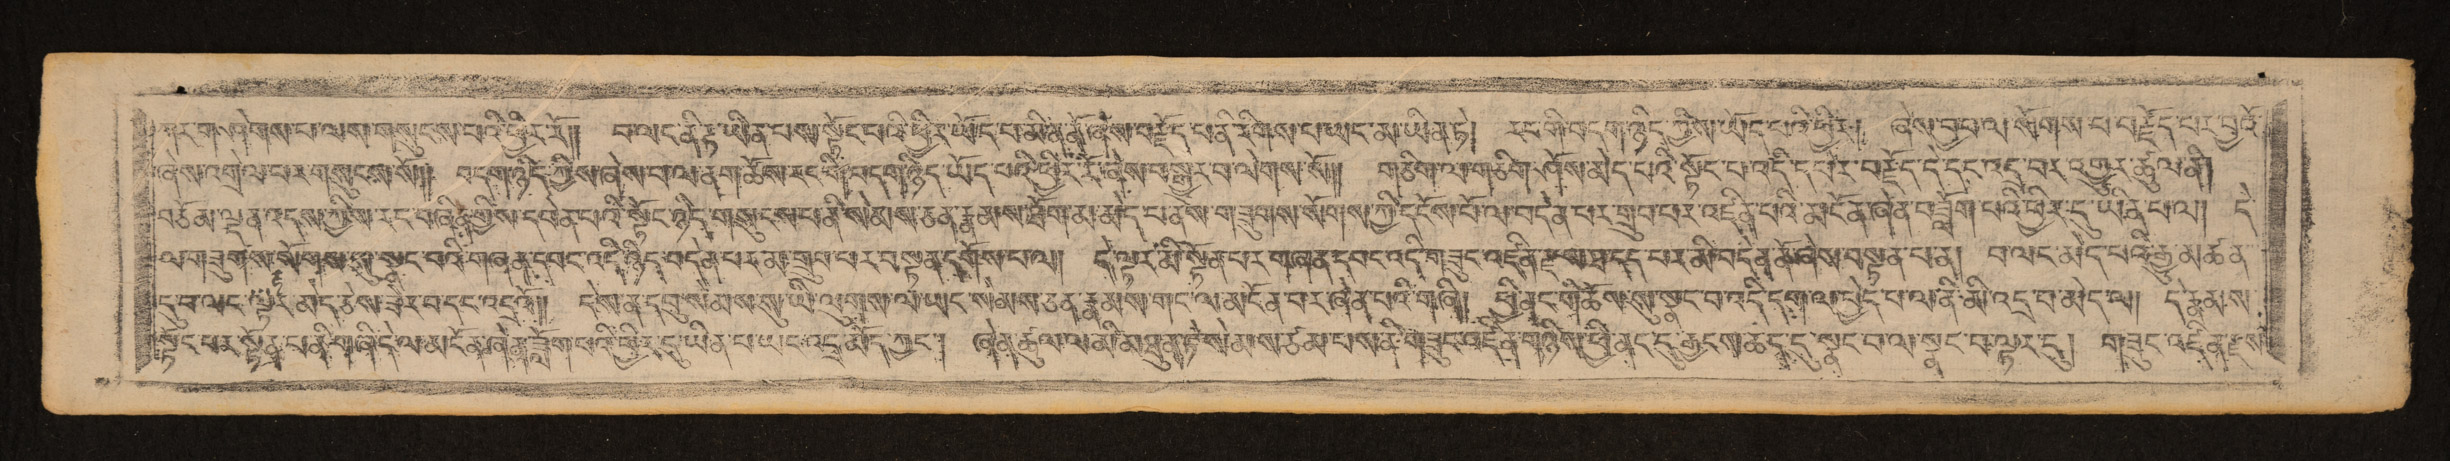ཀར་གཤེགས་པ་ལས་གསུངས་པའི་ཕྱིར་རོ།། བ་ལང་ནི་རྟ་ཡིན་པས་སྟོང་པའི་ཕྱིར་ཡོད་པ་མིན་ནོ་ཞེས་བརྗོད་པ་ནི་རིགས་པ་ཡང་མ་ཡིན་ཏེ། རང་གི་བདག་ཉིད་ཀྱིས་ཡོད་པའི་ཕྱིར། ཞེས་བྱ་བ་ལ་སོགས་པ་བརྗོད་པར་བྱའོ་
ཞེས་འགྲེལ་པར་གསུངས་སོ།། བདག་ཉིད་ཀྱིས་ཞེས་པ་ལ་ནག་ཚོས་རང་གི་བདག་ཉིད་ཡོད་པའི་ཕྱིར་རོ་ཞེས་བསྒྱུར་བ་ལེགས་སོ།། གཅིག་ལ་གཅིག་ཤོས་མེད་པའི་སྟོང་པ་འདི་དཔེར་བརྗོད་དེ་དང་འདྲ་བར་འགྱུར་ཚུལ་ནི།
བཅོམ་ལྡན་འདས་ཀྱིས་རང་བཞིན་གྱིས་དབེན་པའི་སྟོང་ཉིད་གསུངས་པ་ནི་སེམས་ཅན་རྣམས་ཐོག་མ་མེད་པ་ནས་གཟུགས་སོགས་ཀྱི་དངོས་པོ་ལ་བདེན་པར་གྲུབ་པར་འཛིན་པའི་མངོན་ཞེན་བཟློག་པའི་ཕྱིར་དུ་ཡིན་པ་ལ། དེ་
ལ་གཟུགས་སོགས་སུ་སྣང་བའི་གཞན་དབང་འདི་ཉིད་བདེན་པར་མ་གྲུབ་པར་བསྟན་དགོས་པ་ལ། དེ་ལྟར་མི་སྟོན་པར་གཞན་དབང་འདི་གཟུང་འཛིན་རྫས་ཐ་དད་པར་མི་བདེན་ནོ་ཞེས་བསྟན་པ་ན། བ་ལང་མེད་པའི་རྒྱུ་མཚན་
དུ་བ་ལང་ལྟར་མེད་ཅེས་ཟེར་བ་དང་འདྲའོ།། དེས་ན་དབུ་སེམས་སུ་ཡི་ལུགས་ལ་ཡང་སེམས་ཅན་རྣམས་གང་ལ་མངོན་པར་ཞེན་པའི་གཞི། ཕྱི་ནང་གི་ཆོས་སུ་སྣང་བ་འདི་དག་ལ་བྱེད་པ་ལ་ནི་མི་འདྲ་བ་མེད་ལ། དེ་རྣམས་
སྟོང་པར་སྟོན་པ་ནི་གཞི་དེ་ལ་མངོན་ཞེན་ཟློག་པའི་ཕྱིར་དུ་ཡིན་པ་ཡང་འདྲ་མོད་ཀྱང་། ཞེན་ཚུལ་ལ་མི་མཐུན་ཏེ་སེམས་ཙམ་པས་ནི་གཟུང་འཛིན་གཉིས་ཕྱི་ནང་དུ་རྒྱངས་ཆད་དུ་སྣང་བ་ལ་སྣང་བ་ལྟར་དུ། གཟུང་འཛིན་རྫས་